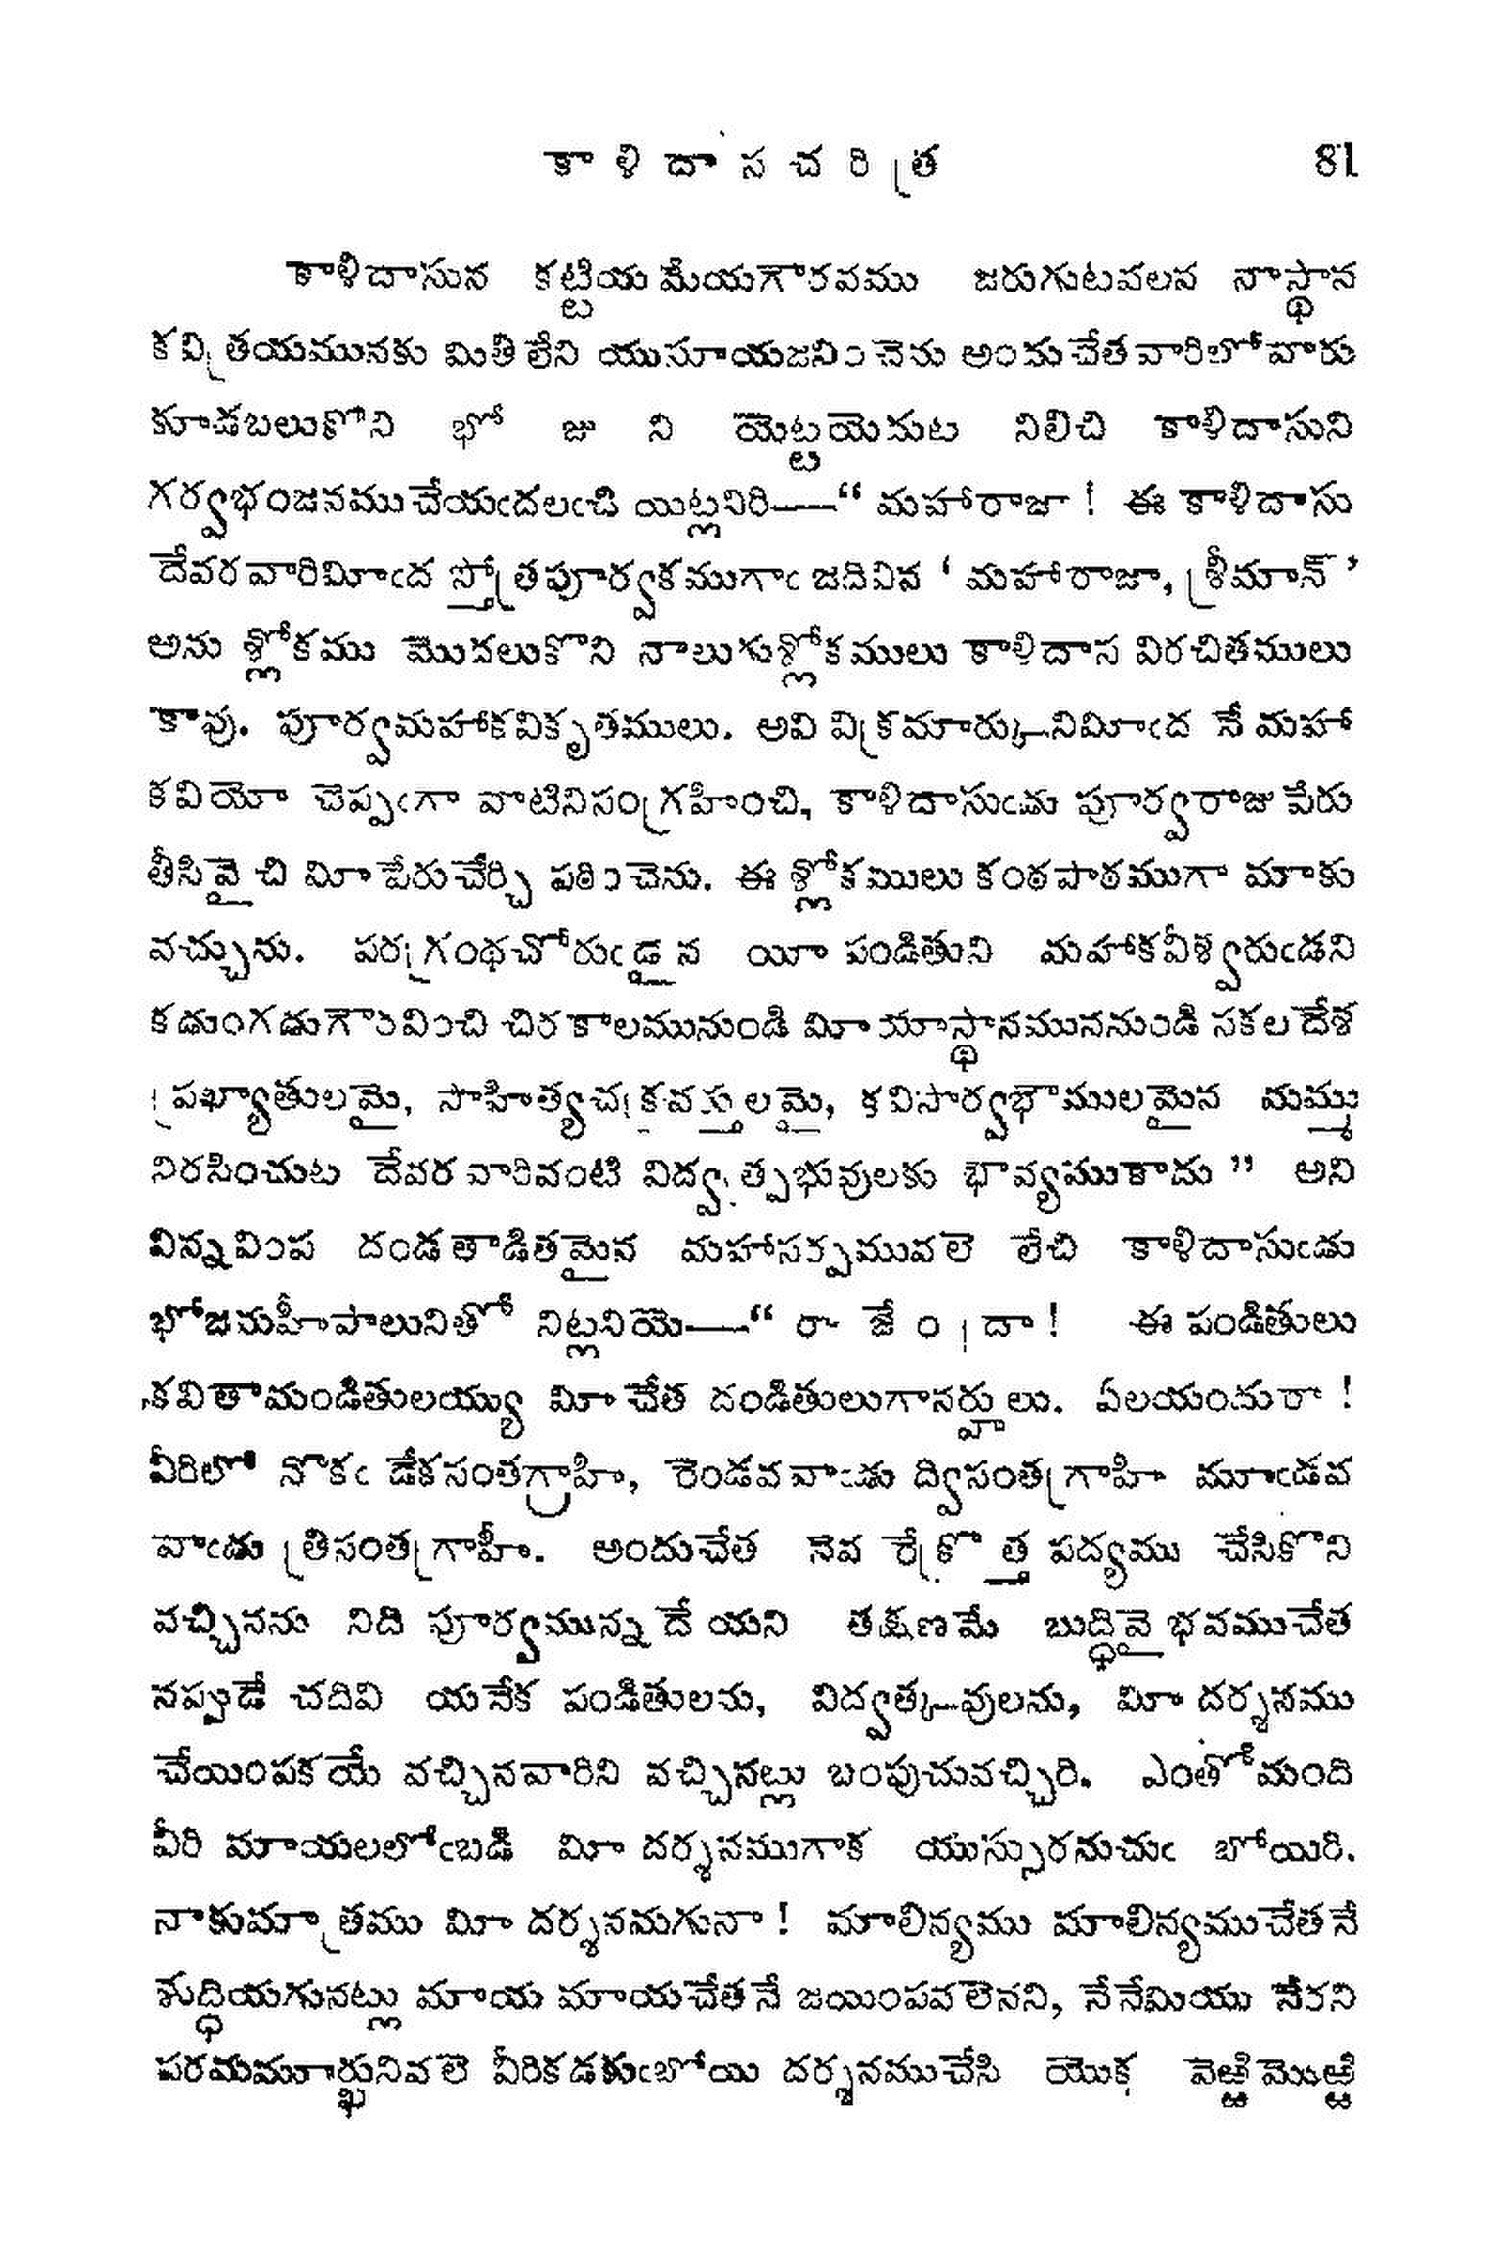కాళిదాసున కట్టియమేయగౌరవము జరుగుటవలన నాస్ధాన కవిత్రయమునకు మితిలేని యసూయజనించెను. అందుచేత వారిలోవారు కూడబలుకొని భోజుని యెట్టయెదుట నిలిచి కాళిదాసుని గర్వభంజనముచేయఁదలఁచి యిట్లనిరి— “మహారాజా! ఈకాళిదాసు దేవరవారిమీఁద స్తోత్రపూర్వకముగాఁ జదివిన ‘మహారాజా, శ్రీమాన్‌‘ అను శ్లోకము మొదలుకొని నాలుగుశ్లోకములు కాళిదాస విరచితములు కావు. పూర్వమహాకవికృతములు. అవి విక్రమార్కునిమీఁద నే మహాకవియో చెప్పఁగా వాటినిసంగ్రహించి, కాళిదాసుఁడు పూర్వరాజుపేరు తీసివైచి మీపేరుచేర్చి పఠించెను. ఈశ్లోకములు కంఠపాఠముగా మాకువచ్చును. పరగ్రంధచోరుఁడైన యీ పండితుని మహాకవీశ్వరుఁడని కడుంగడు గౌరవించి చిరకాలమునుండి మీ యాస్థానముననుండి సకలదేశప్రఖ్యాతులమై, సాహిత్యచక్రవర్తులమై, కవిసార్వభౌములమైన మమ్ము నిరసింఛుట దేవరవారివంటి విద్వత్ప్రభువులకు భావ్యముకాదు“ అని విన్నవింప దండతాడితమైన మహాసర్పమువలె లేచి కాళిదాసుఁడు భోజమహీపాలునితో నిట్లనియె— “రాజేంద్రా! ఈపండితులు కవితామండితులయ్యు మీచేత దండితులుగానర్హులు. ఏలయందురా! వీరిలో నొకఁ డేకసంతగ్రాహి, రెండవాఁడు ద్విసంతగ్రాహి మూఁడవాఁడు త్రిసంతగ్రాహి. అందుచేత నెవ రేక్రొత్తపద్యము చేసికొని వచ్చినను నిది పూర్వమున్నదే యని తక్షణమే బుద్ధివైభవముచేత నప్పుడే చదివి యనేక పండితులను, విద్వత్కవులను, మీదర్శనము చేయింపకయే వచ్చినవారిని వచ్చినట్లు బంపుచువచ్చిరి. ఎంతోమంది వీరిమాయలలోఁబడి మీదర్శనముగాక యుస్సురనుచుఁ బోయిరి. నాకుమాత్రము మీదర్శనమగునా! మాలిన్యము మాలిన్యముచేతనే శుద్ధియగునట్లు మాయ మాయచేతనే జయింపవలెనని, నే నేమియు నేరని పరమమూర్ఖునివలె వీరికడకుఁబోయి దర్శనముచేసి యొక వెఱ్ఱిమొఱ్ఱి